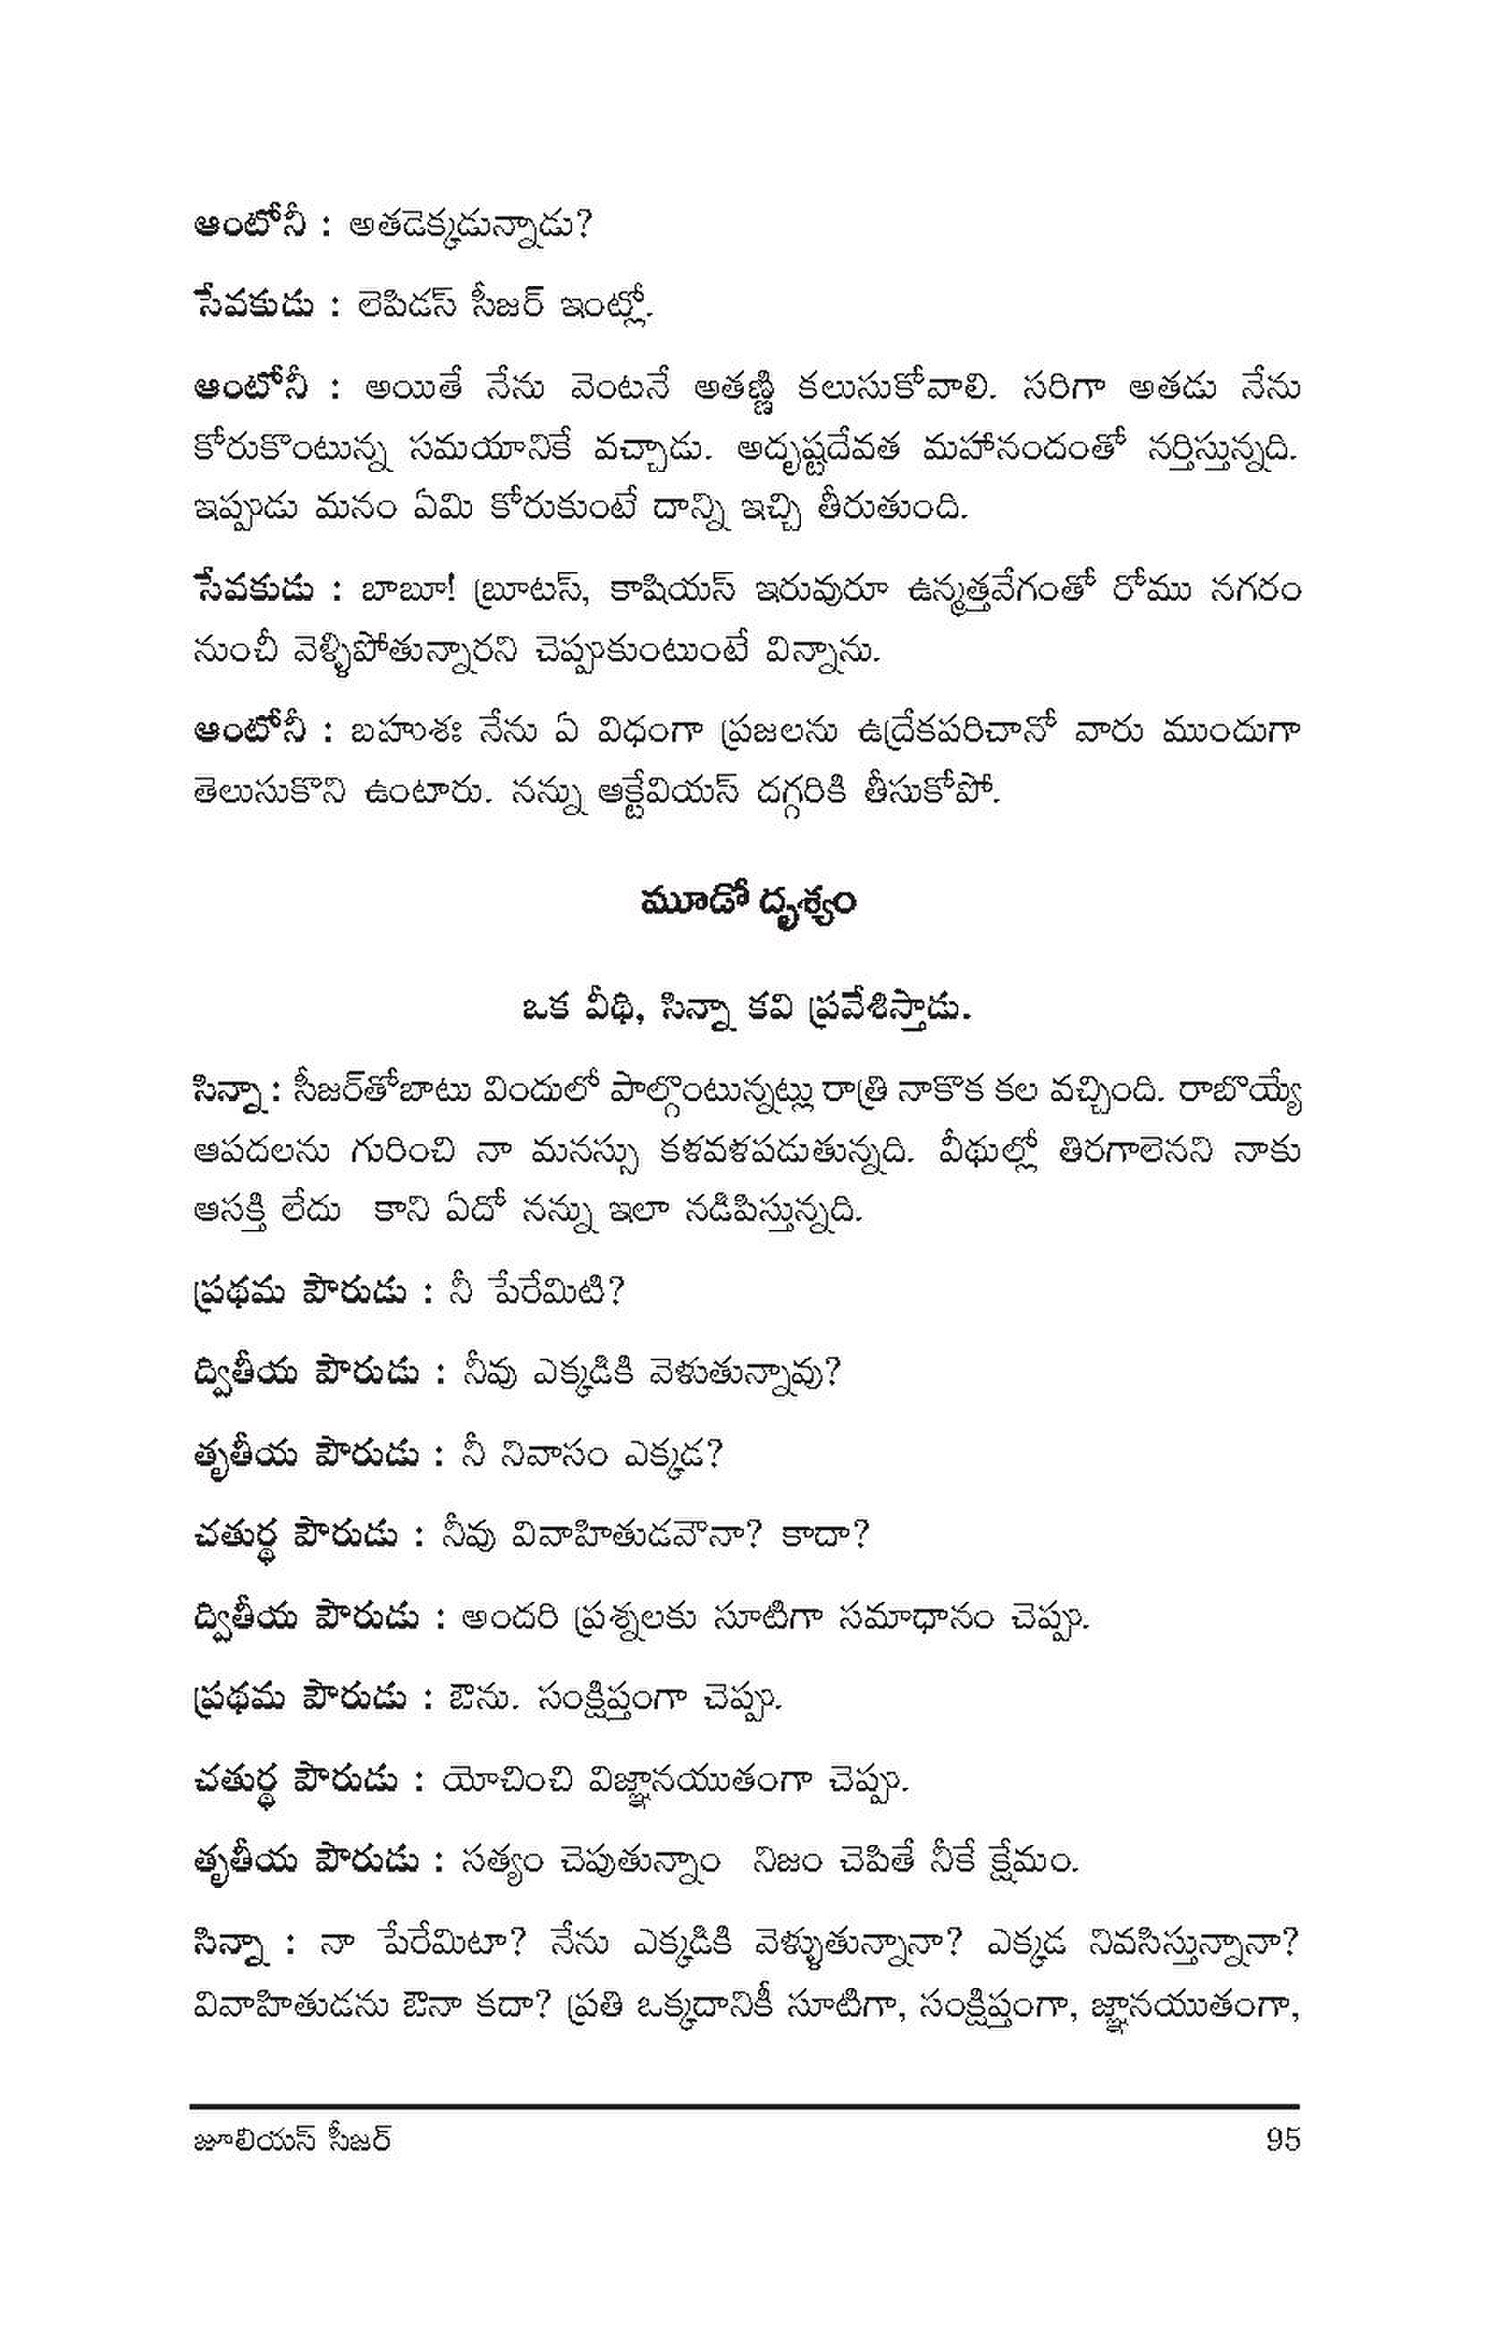ఆంటోనీ : అతడెక్కడున్నాడు?

సేవకుడు : లెపిడస్ సీజర్ ఇంట్లో.

ఆంటోనీ : అయితే నేను వెంటనే అతణ్ణి కలుసుకోవాలి. సరిగా అతడు నేను కోరుకొంటున్న సమయానికే వచ్చాడు. అదృష్టదేవత మహానందంతో నర్తిస్తున్నది. ఇప్పుడు మనం ఏమి కోరుకుంటే దాన్ని ఇచ్చి తీరుతుంది.

సేవకుడు : బాబూ! బ్రూటస్, కాషియస్ ఇరువురూ ఉన్మత్తవేగంతో రోము నగరం నుంచీ వెళ్ళిపోతున్నారని చెప్పుకుంటుంటే విన్నాను.

ఆంటోనీ : బహుశః నేను ఏ విధంగా ప్రజలను ఉద్రేకపరిచానో వారు ముందుగా తెలుసుకొని ఉంటారు. నన్ను ఆక్టేవియస్ దగ్గరికి తీసుకోపో.

{

సిన్నా : సీజర్ తోబాటు విందులో పాల్గొంటున్నట్లు రాత్రి నాకొక కల వచ్చింది. రాబొయ్యే ఆపదలను గురించి నా మనస్సు కళవళపడుతున్నది. వీధుల్లో తిరగాలెనని నాకు ఆసక్తి లేదు కాని ఏదో నన్ను ఇలా నడిపిస్తున్నది.

ప్రథమ పౌరుడు : నీ పేరేమిటి?

ద్వితీయ పౌరుడు : నీవు ఎక్కడికి వెళుతున్నావు?

తృతీయ పౌరుడు : నీ నివాసం ఎక్కడ?

చతుర్ధ పౌరుడు : నీవు వివాహితుడవౌనా? కాదా?

ద్వితీయ పౌరుడు : అందరి ప్రశ్నలకు సూటిగా సమాధానం చెప్పు.

ప్రథమ పౌరుడు : ఔను. సంక్షిప్తంగా చెప్పు.

చతుర్ధ పౌరుడు : యోచించి విజ్ఞానయుతంగా చెప్పు.

తృతీయ పౌరుడు : సత్యం చెపుతున్నాం నిజం చెపితే నీకే క్షేమం.

సిన్నా : నా పేరేమిటా? నేను ఎక్కడికి వెళ్ళుతున్నానా? ఎక్కడ నివసిస్తున్నానా? వివాహితుడను ఔనా కదా? ప్రతి ఒక్కదానికీ సూటిగా, సంక్షిప్తంగా, జ్ఞానయుతంగా,